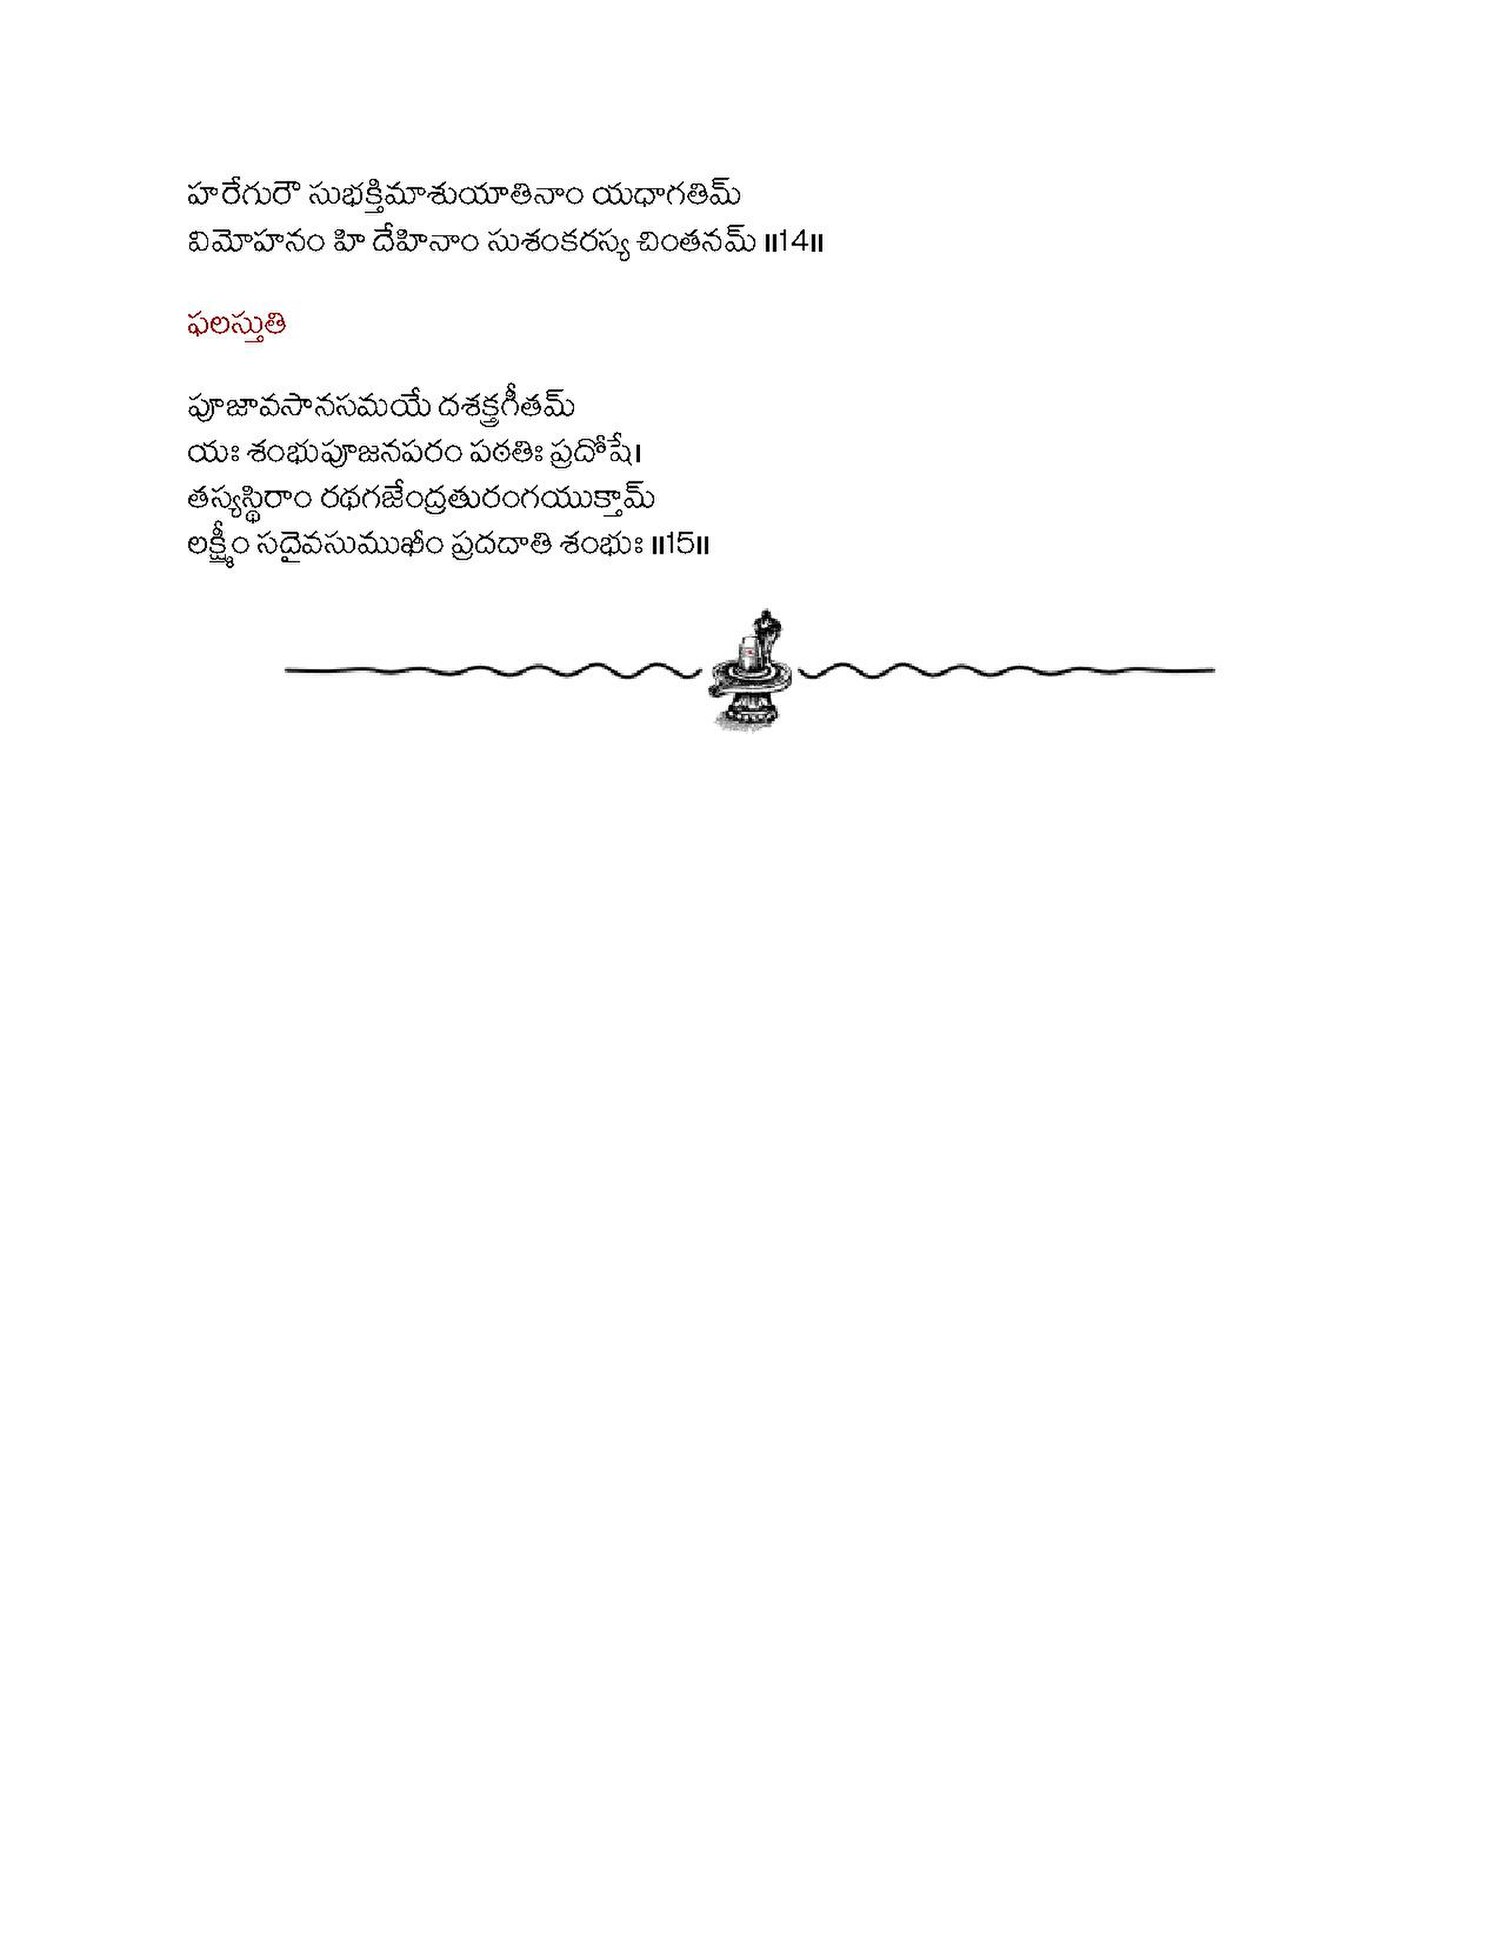హరేగురౌ సుభక్తిమాశుయాతినాం యధాగతిమ్
విమోహనం హి దేహినాం సుశంకరస్య చింతనమ్ ||14||

ఫలస్తుతి

పూజావసానసమయే దశక్త్రగీతమ్
యః శంభుపూజనపరం పఠతిః ప్రదోషే
తస్యస్థిరాం రథగజేంద్రతురంగయుక్తామ్
లక్ష్మీం సదైవసుముఖీం ప్రదదాతి శంభుః ||15||